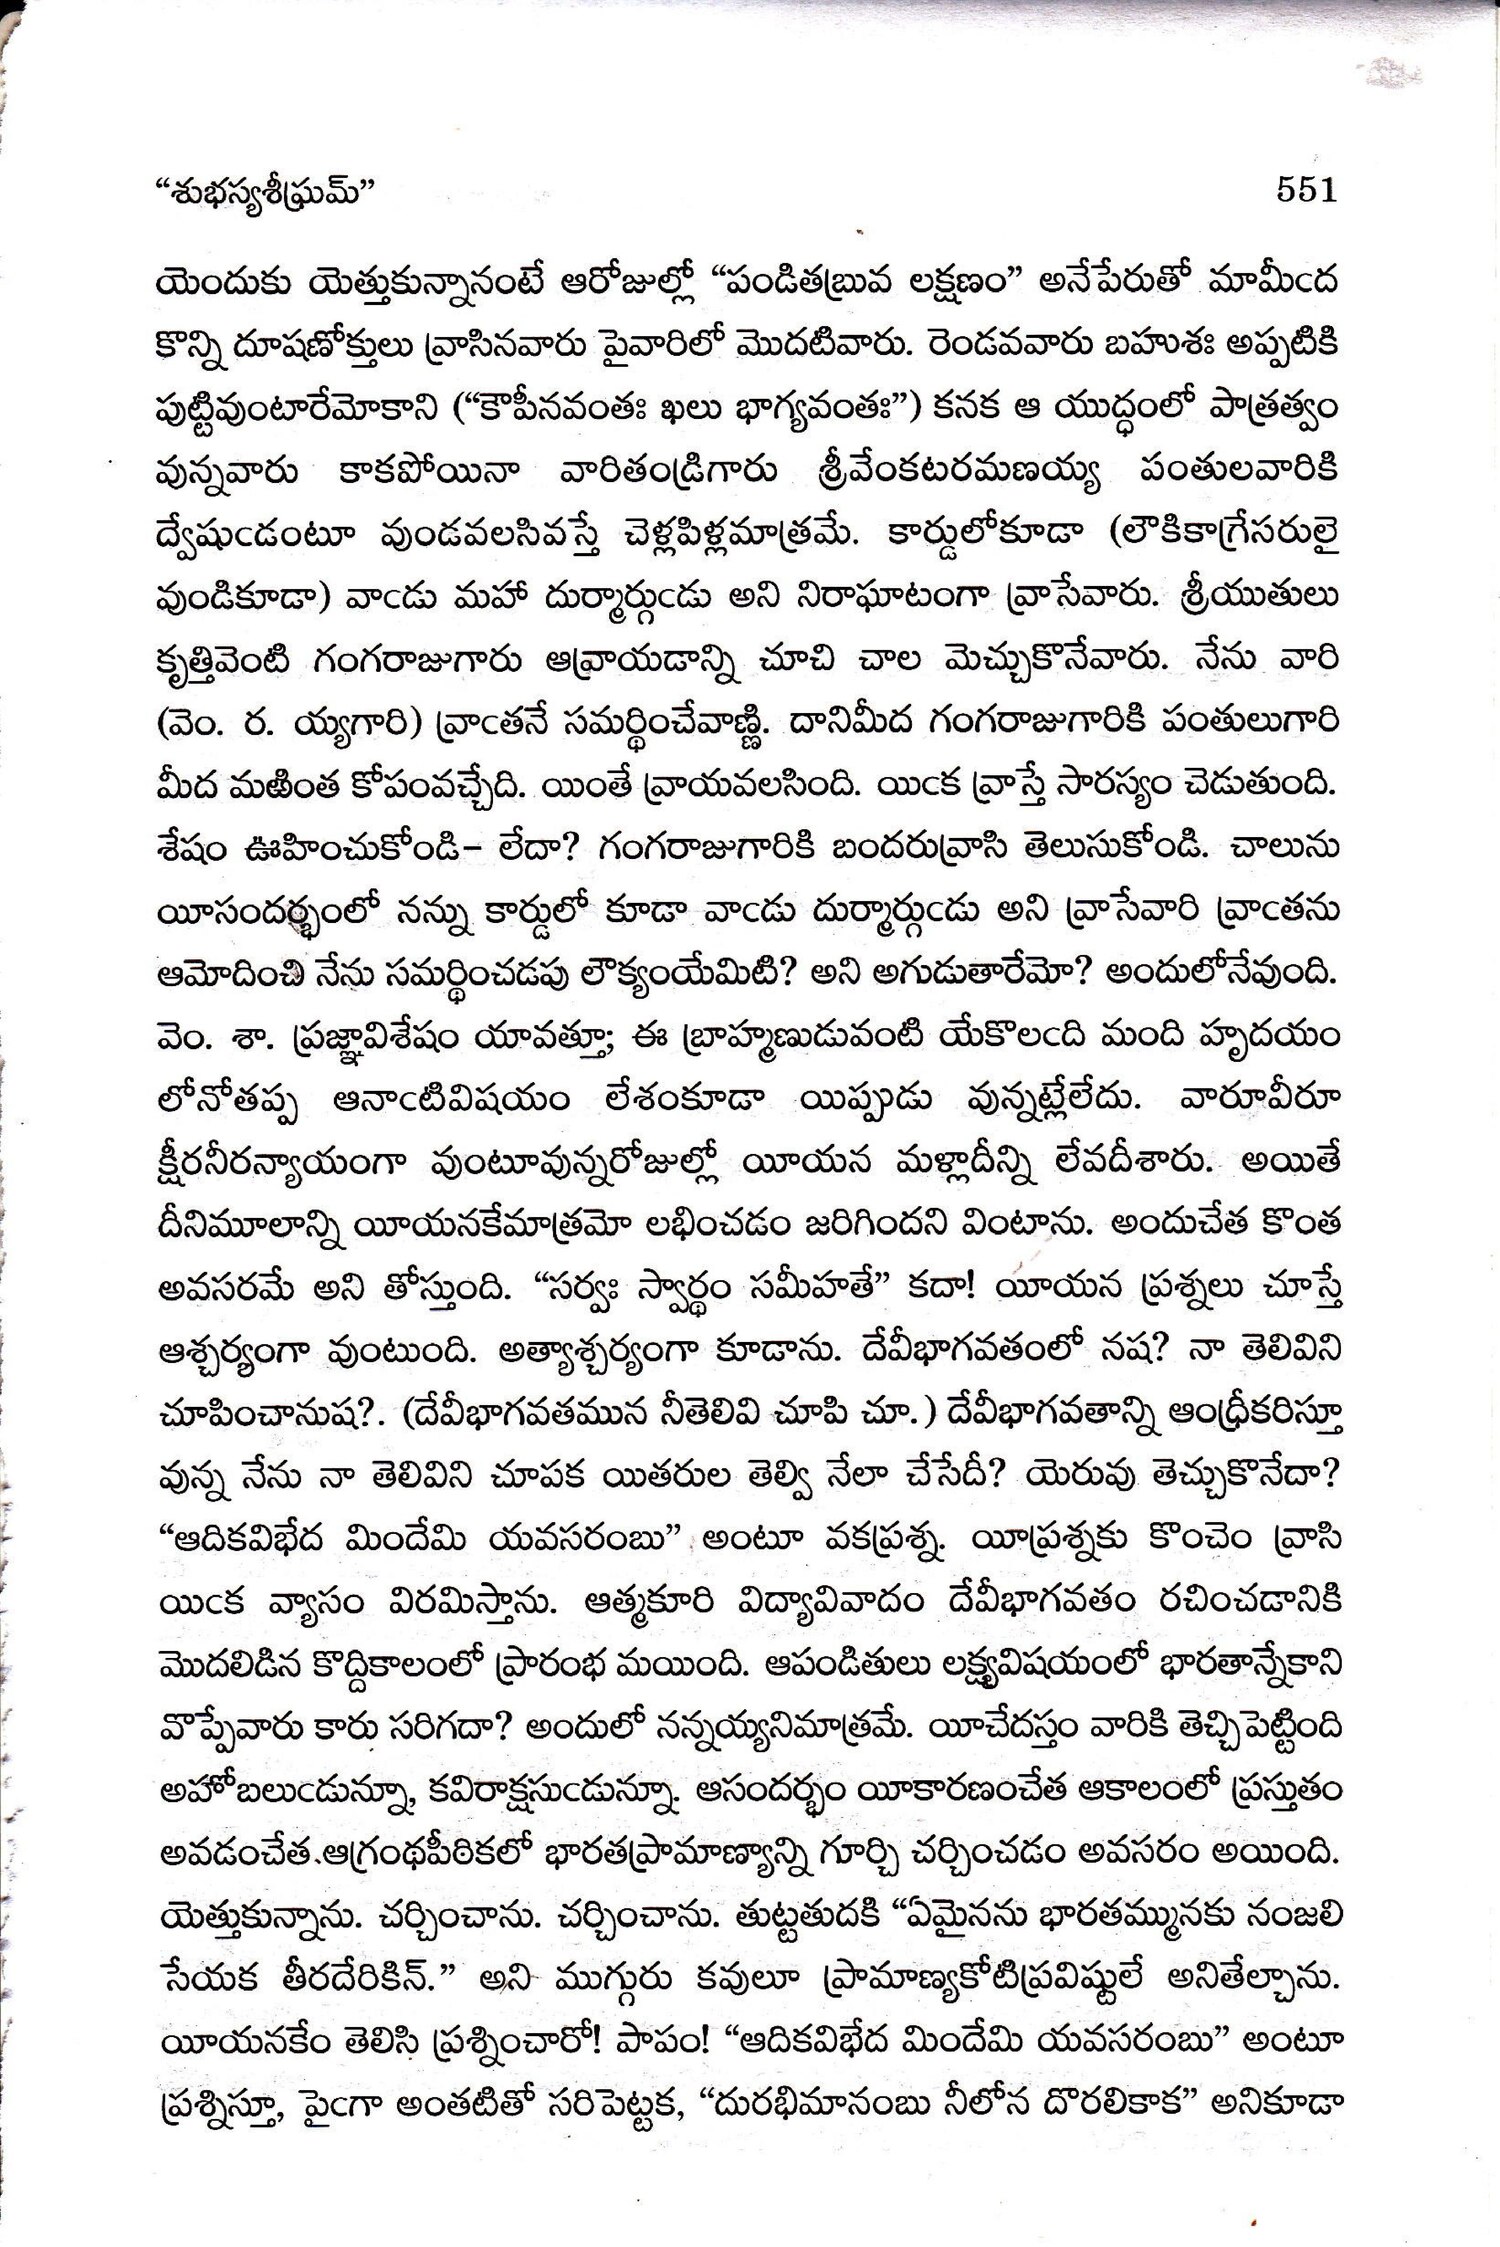యెందుకు యెత్తుకున్నానంటే ఆరోజుల్లో “పండితబ్రువ లక్షణం" అనేపేరుతో మామీఁద కొన్ని దూషణోక్తులు వ్రాసినవారు పైవారిలో మొదటివారు. రెండవవారు బహుశః అప్పటికి పుట్టివుంటారేమోకాని (కౌపీనవంతః ఖలు భాగ్యవంతః") కనక ఆ యుద్ధంలో పాత్రత్వం వున్నవారు కాకపోయినా వారితండ్రిగారు శ్రీవేంకటరమణయ్య పంతులవారికి ద్వేషుఁడంటూ వుండవలసివస్తే చెళ్లపిళ్లమాత్రమే. కార్డులోకూడా (లౌకికాగ్రేసరులై వుండికూడా) వాఁడు మహా దుర్మార్గుఁడు అని నిరాఘాటంగా వ్రాసేవారు. శ్రీయుతులు కృత్తివెంటి గంగరాజుగారు ఆవ్రాయడాన్ని చూచి చాల మెచ్చుకొనేవారు. నేను వారి (వెం. ర. య్యగారి) వ్రాఁతనే సమర్థించేవాణ్ణి. దానిమీద గంగరాజుగారికి పంతులుగారి మీద మఱింత కోపంవచ్చేది. యింతే వ్రాయవలసింది. యిఁక వ్రాస్తే సారస్యం చెడుతుంది. శేషం ఊహించుకోండి- లేదా? గంగరాజుగారికి బందరు వ్రాసి తెలుసుకోండి. చాలును యీసందర్భంలో నన్ను కార్డులో కూడా వాఁడు దుర్మార్గుఁడు అని వ్రాసేవారి వ్రాఁతను ఆమోదించి నేను సమర్ధించడపు లౌక్యంయేమిటి? అని అడుగుతారేమో? అందులోనేవుంది. వెం. శా. ప్రజ్ఞావిశేషం యావత్తూ; ఈ బ్రాహ్మణుడువంటి యేకొలఁది మంది హృదయం లోనోతప్ప ఆనాఁటివిషయం లేశంకూడా యిప్పుడు వున్నట్లేలేదు. వారూవీరూ క్షీరనీరన్యాయంగా వుంటూవున్నరోజుల్లో యీయన మళ్లాదీన్ని లేవదీశారు. అయితే దీనిమూలాన్ని యీయనకేమాత్రమో లభించడం జరిగిందని వింటాను. అందుచేత కొంత అవసరమే అని తోస్తుంది. “సర్వ స్వార్ధం సమీహతే" కదా! యీయన ప్రశ్నలు చూస్తే ఆశ్చర్యంగా వుంటుంది. అత్యాశ్చర్యంగా కూడాను. దేవీభాగవతంలో నష? నా తెలివిని చూపించానుష?. (దేవీభాగవతమున నీతెలివి చూపి చూ.) దేవీభాగవతాన్ని ఆంద్రీకరిస్తూ వున్న నేను నా తెలివిని చూపక యితరుల తెల్వి నేలా చేసేదీ? యెరువు తెచ్చుకొనేదా? “ఆదికవిభేద మిందేమి యవసరంబు" అంటూ వకప్రశ్న యీప్రశ్నకు కొంచెం వ్రాసి యిఁక వ్యాసం విరమిస్తాను. ఆత్మకూరి విద్యావివాదం దేవీభాగవతం రచించడానికి మొదలిడిన కొద్దికాలంలో ప్రారంభ మయింది. ఆపండితులు లక్ష్యవిషయంలో భారతాన్నేకాని వొప్పేవారు కారు సరిగదా? అందులో నన్నయ్యనిమాత్రమే. యీచేదస్తం వారికి తెచ్చిపెట్టింది అహోబలుఁడున్నూ కవిరాక్షసుఁడున్నూ ఆసందర్భం యీకారణంచేత ఆకాలంలో ప్రస్తుతం అవడంచేత, ఆగ్రంథపీఠికలో భారతప్రామాణ్యాన్ని గూర్చి చర్చించడం అవసరం అయింది. యెత్తుకున్నాను. చర్చించాను. చర్చించాను. తుట్టతుదకి “ఏమైనను భారతమ్మునకు నంజలి సేయక తీరదేరికిన్." అని ముగ్గురు కవులూ ప్రామాణ్యకోటిప్రవిష్టులే అనితేల్చాను. యీయనకేం తెలిసి ప్రశ్నించారో! పాపం! “ఆదికవిభేద మిందేమి యవసరంబు" అంటూ ప్రశ్నిస్తూ, పైఁగా అంతటితో సరిపెట్టక, "దురభిమానంబు నీలోన దొరలికాక" అనికూడా